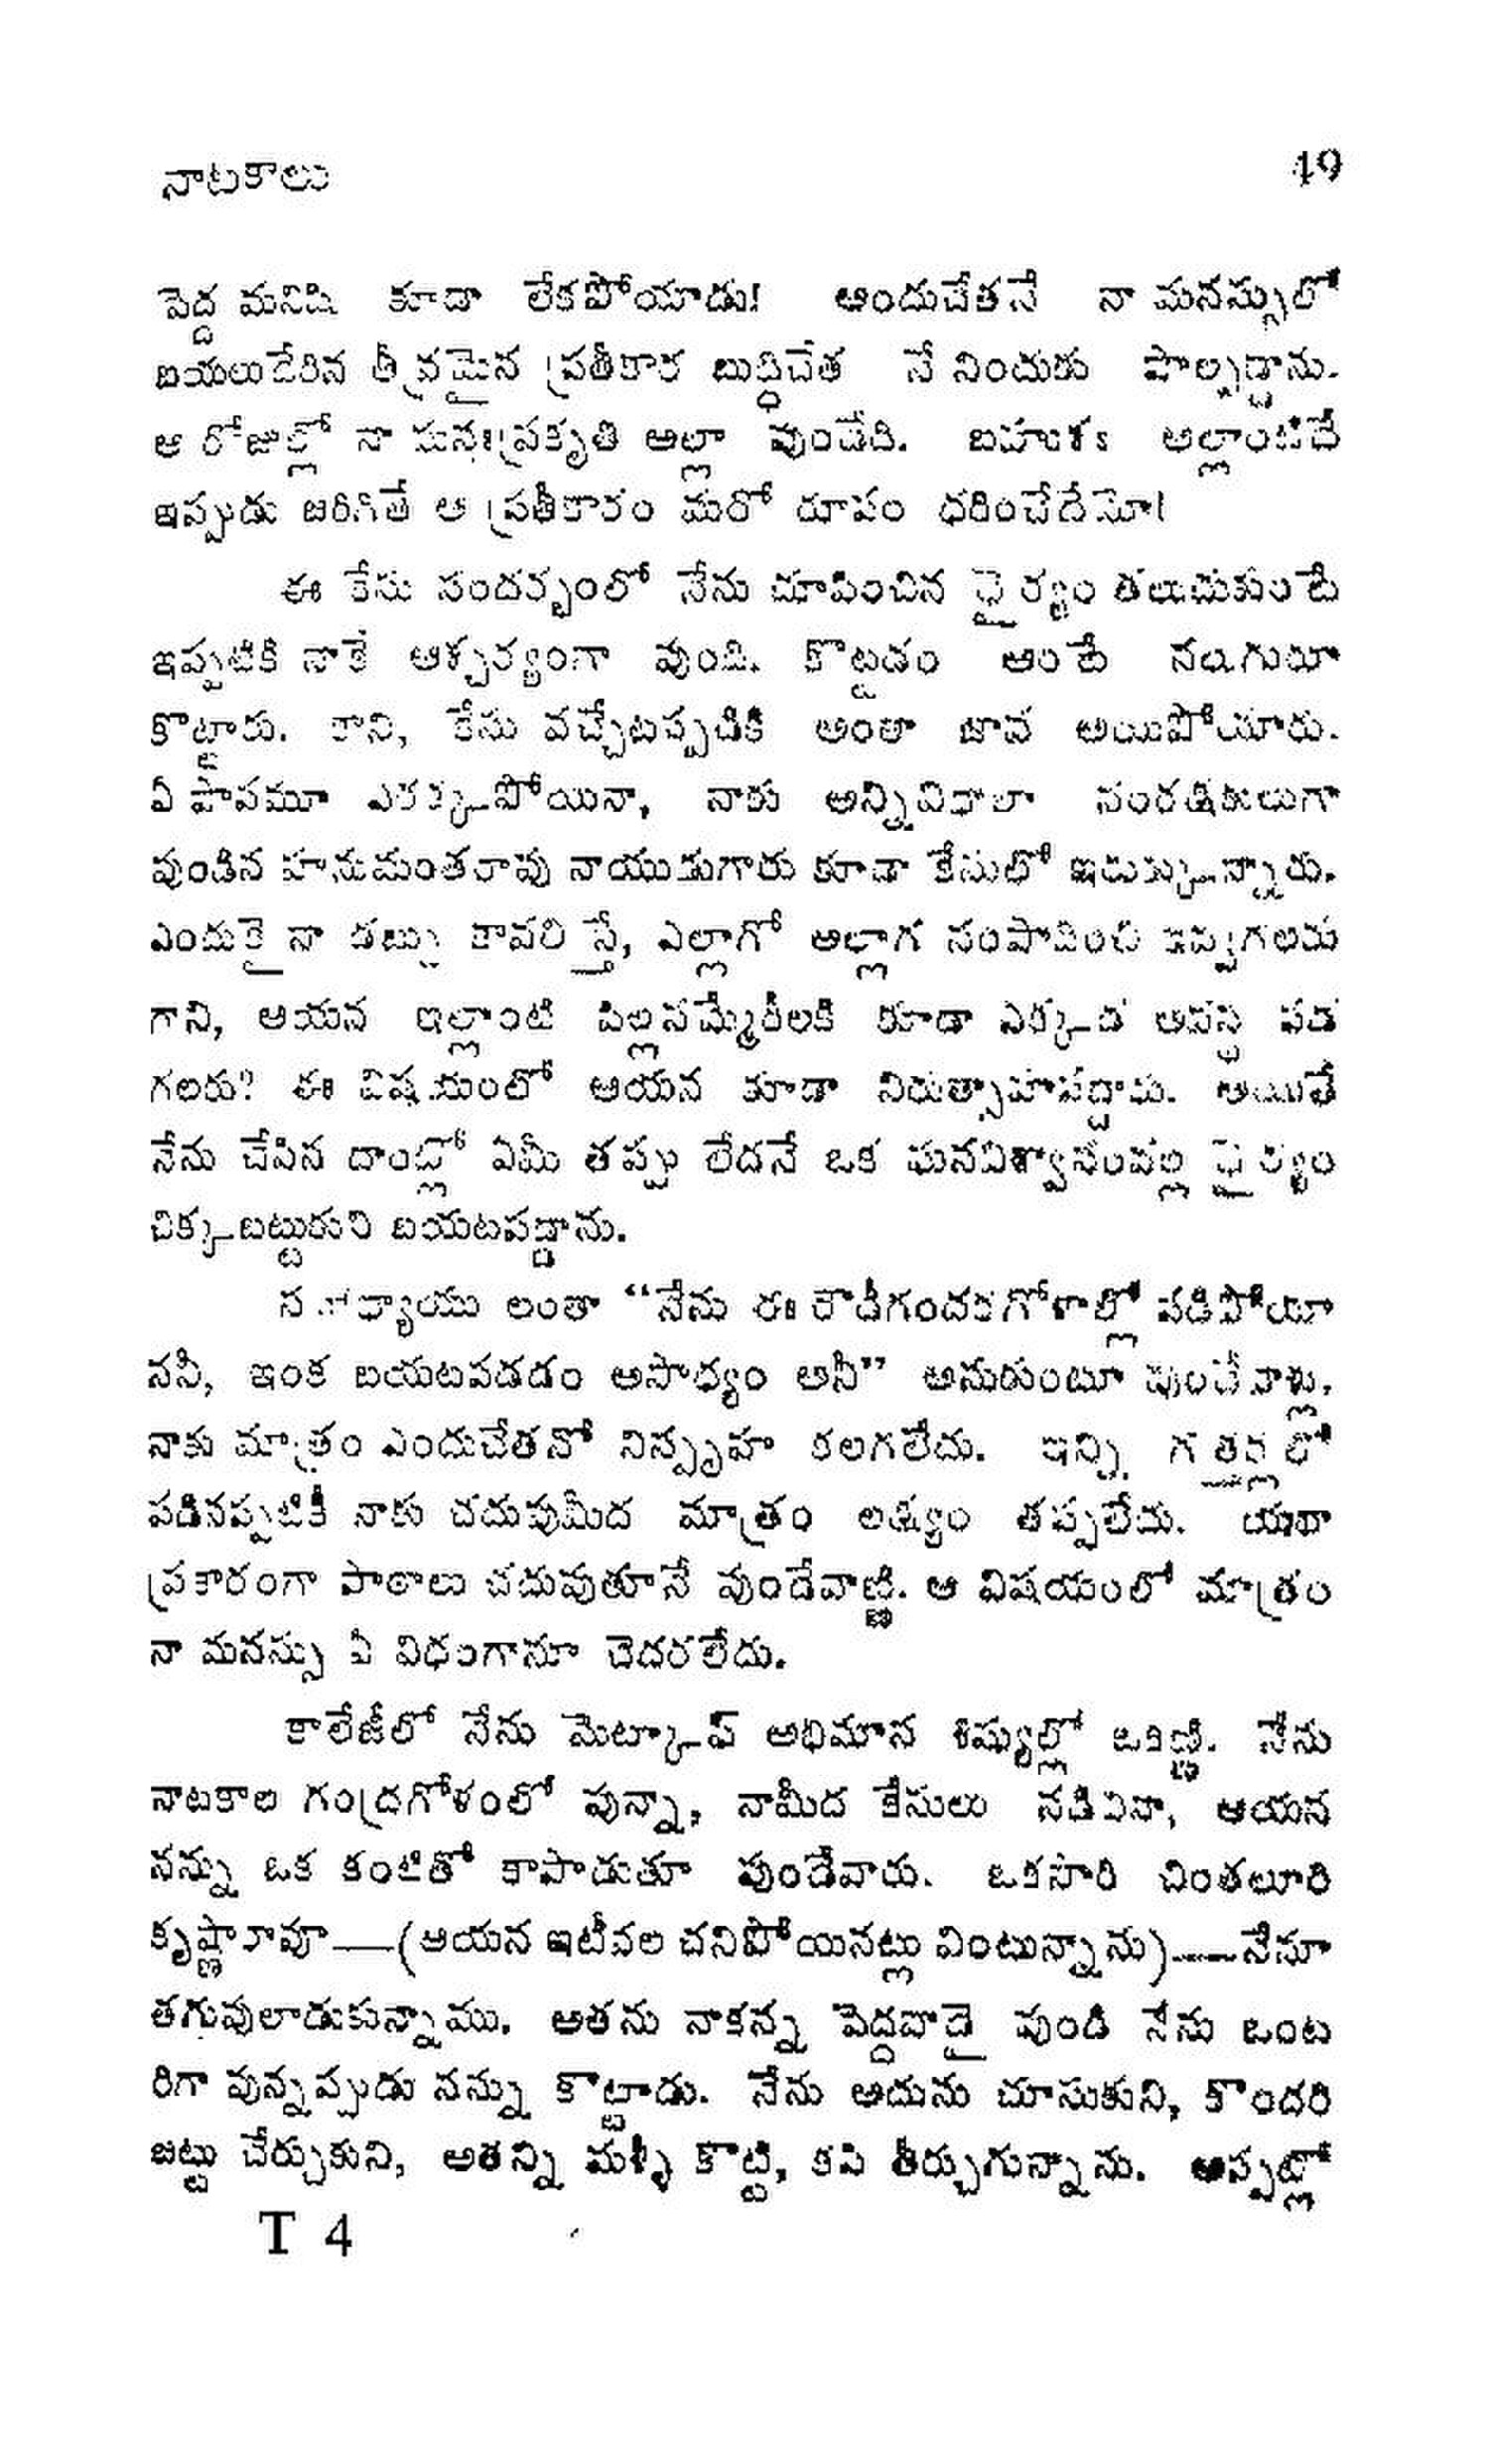పెద్ద మనిషి కూడా లేకపోయాడు! అందుచేతనే నా మనస్సులో బయలుదేరిన తీవ్రమైన ప్రతీకార బుద్ధిచేత నే నిందుకు పాల్పడ్డాను. ఆ రోజుల్లో నా మన:ప్రకృతి అల్లా వుండేది. బహుశ: అల్లాంటిదే ఇప్పుడు జరిగితే ఆ ప్రతీకారం మరో రూపం ధరించేదేమో!

ఈ కేసు సందర్బంలో నేను చూపించిన ధైర్యం తలుచుకుంటే ఇప్పటికి నాకే ఆశ్చర్యంగా వుంది. కొట్టడం అంటే నలుగురూ కొట్టారు. కాని, కేసు వచ్చేటప్పడికి అంతా జావ అయిపోయారు. ఏ పాపమూ ఎరక్కపోయినా, నాకు అన్నివిధాలా సంరక్షకులుగా వుండిన హనుమంతరావు నాయుడుగారు కూడా కేసులో ఇరుక్కున్నారు. ఎందుకైనా డబ్బు కావలిస్తే, ఎల్లాగో అల్లాగ సంపాదించి ఇవ్వగలరు గాని, ఆయన ఇల్లాంటి పిల్లసమ్మేరీలకి కూడా ఎక్కడ అవస్థ పడగలరు? ఈ విషయంలో ఆయన కూడా నిరుత్సాహపడ్డారు. అయితే నేను చేసిన దాంట్లో ఏమీ తప్పు లేదనే ఒక ఘనవిశ్వాసంవల్ల ధైర్యం చిక్కబట్టుకుని బయటపడ్డాను.

సహాధ్యాయు లంతా "నేను ఈ రౌడీగందరగోళాల్లో పడిపోయాననీ, ఇంక బయటపడడం అసాధ్యం అనీ" అనుకుంటూ వుండేవాళ్లు. నాకు మాత్రం ఎందుచేతనో నిస్పృహ కలగలేదు. ఇన్ని గత్తర్లలో పడినప్పటికీ నాకు చదువుమీద మాత్రం లక్ష్యం తప్పలేదు. యథాప్రకారంగా పాఠాలు చదువుతూనే వుండేవాణ్ణి. ఆ విషయంలో మాత్రం నా మనస్సు ఏ విధంగానూ చెదరలేదు.

కాలేజీలో నేను మెట్కాప్ అభిమాన శిష్యుల్లో ఒకణ్ణి. నేను నాటకాల గంద్రగోళంలో వున్నా, నామీద కేసులు నడిచినా, ఆయన నన్ను ఒక కంటితో కాపాడుతూ వుండేవారు. ఒకసారి చింతలూరి కృష్ణారావూ - (ఆయన ఇటీవల చనిపోయినట్లు వింటున్నాను) - నేనూ తగువులాడుకున్నాము. అతను నాకన్న పెద్దవాడై వుండి నేను ఒంటరిగా వున్నప్పుడు నన్ను కొట్టాడు. నేను అదును చూసుకుని, కొందరి జట్టు చేర్చుకుని, అతన్ని మళ్ళీ కొట్టి, కసి తీర్చుగున్నాను. అప్పట్లో